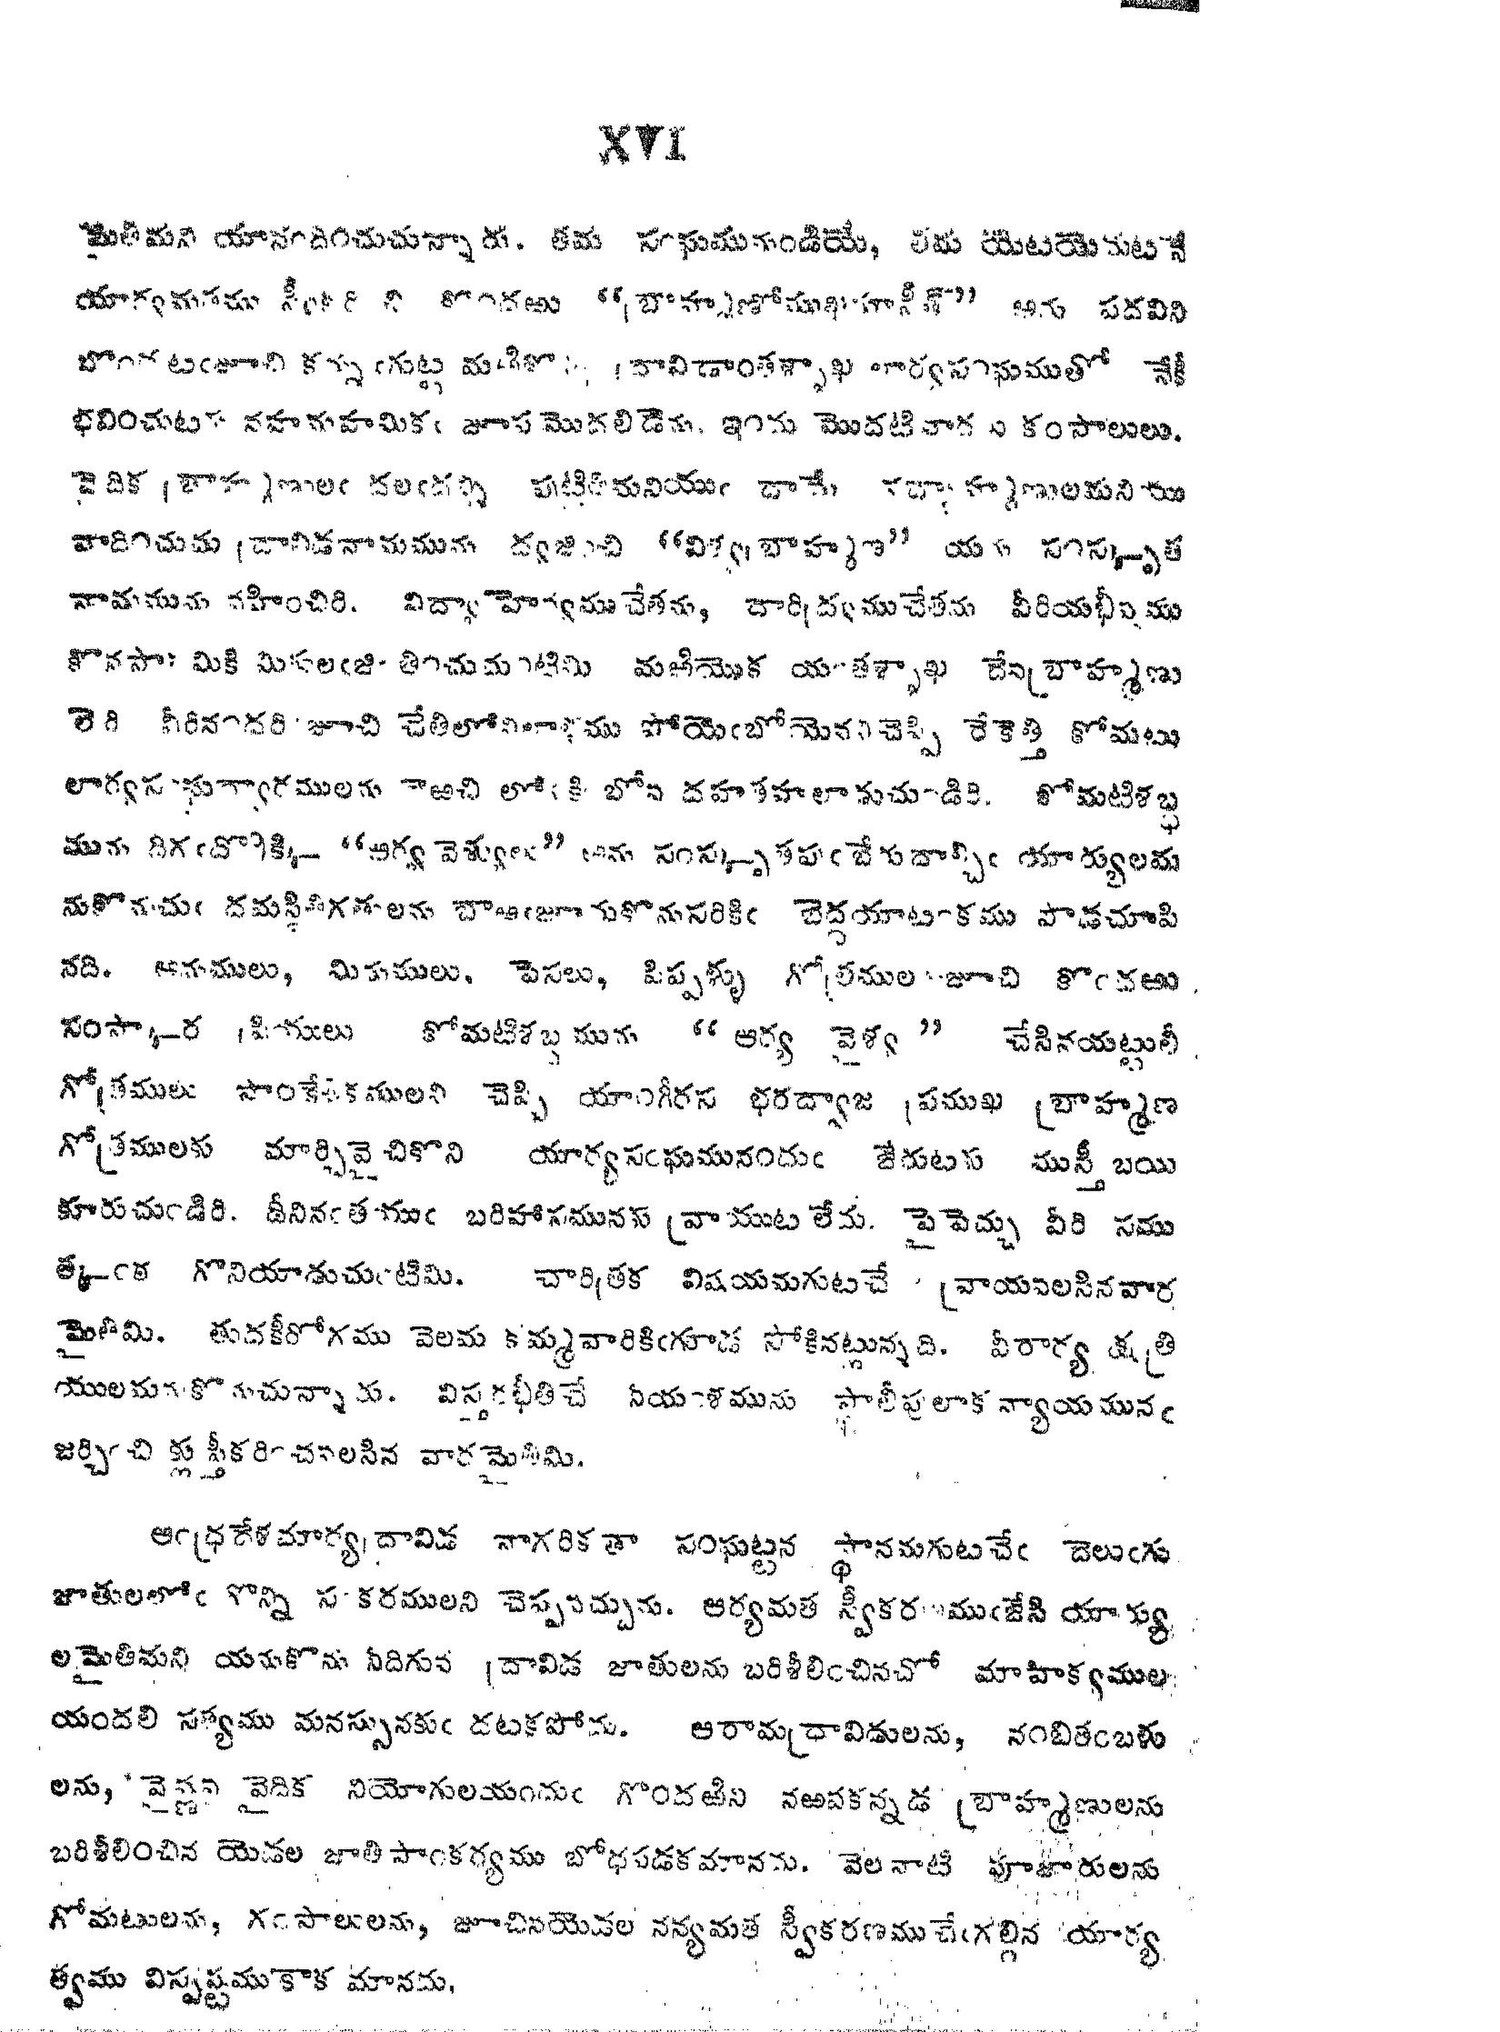మైతిమని యానందించుచున్నారు. తమ సంఘము నుండియే, తమ యెదుటనే
యార్యమతము స్వీకరించి కొందఱు"బ్రాంహ్మణోనోముఖ హానిన్ "అను పదవిని 
బొందుటఁజూచి కన్ను గుట్ట మరి కొందరు ద్రావిడాంత శ్శాఖ ఆర్య సంఘముతో నేకీ
భవించుటను నహరుహమిక జూడ మొదలిడెను. ఇందు మొదటి వారగు కంసాలులు ! 
వైధిక బ్రాహ్మణుల దలదన్ని పుట్టినమనియు దామే సద్భ్రాహంణులమనియు 
వాదించుచు ద్రావిడ నామమును ద్వజించి "విశ్వబ్రాహ్మణ" యను సంస్కృత
నామమును వహించిరి. విద్యాహైన్యముచేతను, దారిద్రము చేతను వీరి యభీష్టము
కొనసాగమికి మిగుల చింతించు చుంటిమి. మఱియొక యంతశ్శాఖ దేవ బ్రాహ్మణు
లైరి. వీరందరిని జూచి చేతిలోని లాభము పోయెనని చెప్పి రేకెత్తి కోమటు
లార్య సంఘ ద్వారములను దెఱచి లోనికి బోవ దహతహ లాడు చుండిరి. కోమటిశబ్ద
మును దిగదొక్కి "ఆర్యవైశ్యులు" అను సంస్కృతపు పేరు దాల్సి ఆర్యులమను
నుకొనుచు దమ స్థితిగతులను బాఱజూచుకొను సరికి బెద్ద యాటంకము పొడజూపి
నది. అనుములు, మినుములు, పెసలు, పిప్పళ్ళు గోత్రముల జూచి కొందఱు
సంస్కార ప్రియులు కోమటి శబ్దమును "ఆర్యవైశ్య" చేసిన యట్టులీ
గోత్రములు సాంకేతికములని జెపి యంగీరస, భరద్వాజ ప్రముఖ బ్రాహ్మణ 
కు మార్చి వైచికొని యార్య సంఘము నందు జేరుటకు ముస్తీబయి 
కూరుచుండిరి. దీనినంతయు బరిహాసమునకు వ్రాయుట లేదు. పై పెచ్చు వీరిని
సముత్కంఠమున గొనియాడుచుంటిమి. చారిత్రక విషయమగుటచే వ్రాయవలసిన వార
మైతిమి. తుదకీ రోగము వెలమ కమ్మవారికిగూడ సోకినట్లున్నది. వీరార్య క్షత్రి
యులమను కొను చున్నారు. విస్తరణ భీతిచే నీ యంశమును స్థాలీపులక న్యాయమున 
జర్చించి క్లుప్తీకరించ వలసిన వారమైతిమి.

ఆంధ్రదేశ మార్య ద్రావిడ నాగరికతా సంఘట్టన స్థానమగుటచేఁ దెలుఁగు
జాతులలో కొన్ని సంకరములని చెప్పవచ్చును. ఆర్యమత స్వీకర ముఁజేసి యా ర్యు:
లమైతిమని యనుకొను నీదిగువ ద్రావిడ జాతులను బరిశీలించినచో మావాక్యముల
యందలి సత్యము మనస్సునకుఁ దట్టకపోదు. ఆరామ ద్రావిడులను, నంబితంబళు
లను, 'వైష్వణ, వైదిక నియోగులందు గొందఱిని నఱవకన్నడ బ్రాహ్మణులను
బరిశీలించిన యెడల జాతి సాంకర్యము బోధపడక మానదు. 'వెల నాటి పూజారులను
గోమటులను, గంసాలులను, జూచిసయెడల నన్యమత స్వీకరణము చేయగల్గిన 'యార్య
త్వము విస్పష్టము కాక మానదు,